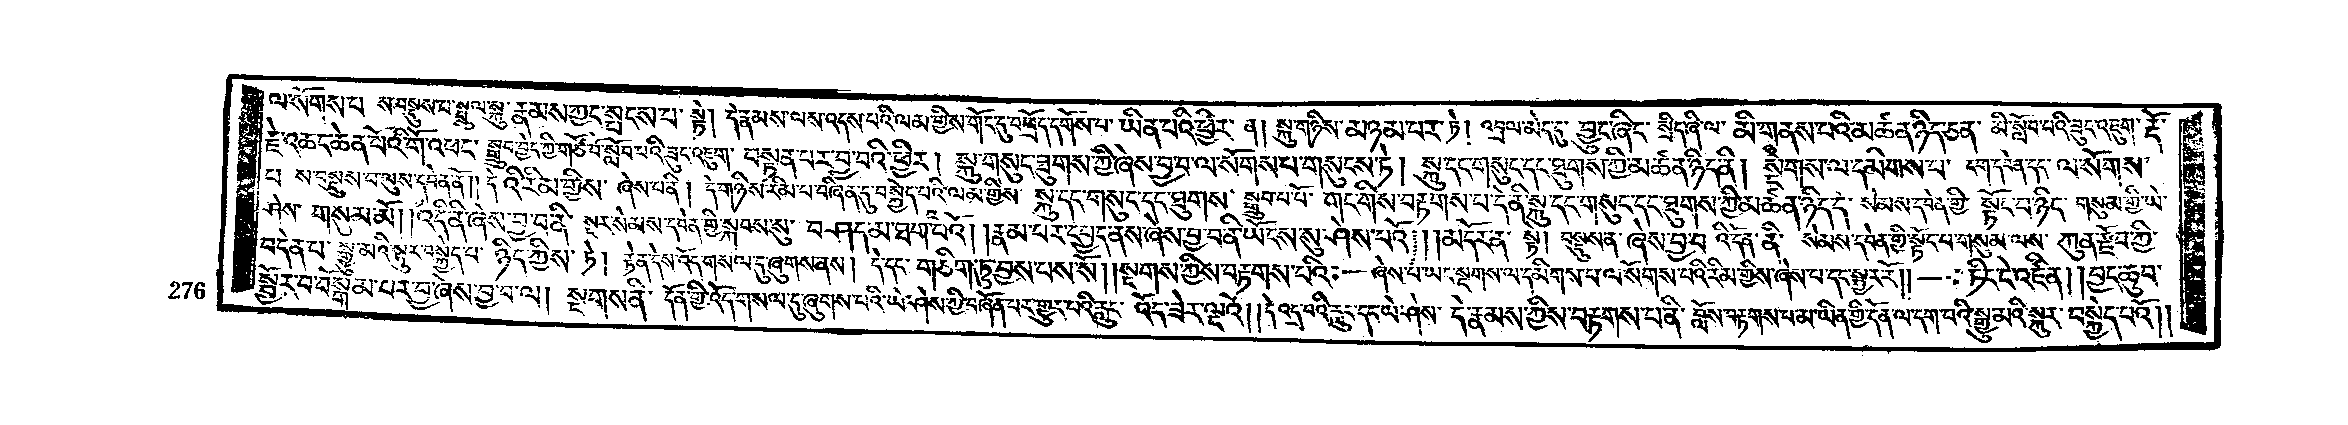ལ་སོགས་པས་བསྡུས་པ་སྤྲུལ་སྐུ་རྣམས་ཀྱང་སྤངས་པ་སྟེ། དེ་རྣམས་ལས་འདས་པའི་ལམ་གྱིས་གོང་དུ་བགྲོད་དགོས་པ་ཡིན་པའི་ཕྱིར་ན། སྐུ་གཉིས་མཉམ་པར་ཏེ། འབྲལ་མེད་དུ་བྱུང་ཞིང་སྲིད་ཞི་ལ་མི་གནས་པའི་མཚན་ཉིད་ཅན་མི་སློབ་པའི་ཟུང་འཇུག་རྡོ་
རྗེ་འཆང་ཆེན་པོའི་གོ་འཕང་སྒྲུབ་བྱེད་ཀྱི་གཙོ་བོ་སློབ་པའི་ཟུང་འཇུག་བསྟན་པར་བྱ་བའི་ཕྱིར། སྐུ་གསུང་ཐུགས་ཀྱི་ཞེས་བྱ་བ་ལ་སོགས་པ་གསུངས་ཏེ། སྐུ་དང་གསུང་དང་ཐུགས་ཀྱི་མཚན་ཉིད་ནི། སྔགས་ལ་དམིགས་པ་ངག་དབེན་དང་ལ་སོགས་
པས་བསྡུས་པ་ལུས་དབེན་ནོ། །དེའི་རིམ་གྱིས་ཞེས་པ་ནི། དེ་གཉིས་རིམ་པ་བཞིན་དུ་བསྐྱེད་པའི་ལམ་གྱིས་སྐུ་དང་གསུང་དང་ཐུགས་སྒྲུབ་པ་པོ་གང་གིས་བརྟགས་པ་དེ་ནི་སྐུ་དང་གསུང་དང་ཐུགས་ཀྱི་མཚན་ཉིད་དེ་སེམས་དབེན་གྱི་སྟོང་པ་ཉིད་གསུམ་གྱི་ཡེ་
ཤེས་གསུམ་མོ། །འདི་ནི་ཞེས་བྱ་བ་ནི་སྔར་སེམས་དབེན་གྱི་སྐབས་སུ་བཤད་མ་ཐག་པའོ། །རྣམ་པར་དཔྱད་ནས་ཞེས་བྱ་བ་ནི་ཡོངས་སུ་ཤེས་པའོ། །མདོར་ན་སྟེ། བསྡུས་ན་ཞེས་བྱ་བའི་དོན་ནི་སེམས་དབེན་གྱི་སྟོང་པ་གསུམ་ལས་ཀུན་རྫོབ་ཀྱི་
བདེན་པ་སྒྱུ་མའི་སྐུར་བསྐྱེད་པ་ཉིད་ཀྱིས་ཏེ། རྟེན་དེས་འོད་གསལ་དུ་ཞུགས་ནས། དེ་དང་གཅིག་ཏུ་བྱས་པས་སོ། །སྔགས་ཀྱིས་བརྟགས་པའིཿ་ཞེས་པ་ཡང་སྔགས་ལ་དམིགས་པ་ལ་སོགས་པའི་རིམ་གྱིས་ཞེས་པ་དང་སྦྱར་རོ།།  .Hཏིང་ངེ་འཛིན། །བྱང་ཆུབ་
སྦྱོར་བ་བསྒོམ་པར་བྱ་ཞེས་བྱ་བ་ལ། སྔགས་ནི་དོན་གྱི་འོད་གསལ་དུ་ཞུགས་པའི་ཡེ་ཤེས་ཀྱི་བཞོན་པར་གྱུར་བའི་རླུང་འོད་ཟེར་ལྔའོ། ། དེ་འདྲ་བའི་རླུང་དང་ཡེ་ཤེས་དེ་རྣམས་ཀྱིས་བརྟགས་པ་ནི་བློས་བརྟགས་པ་མ་ཡིན་གྱི་དོན་ལ་དག་པའི་སྒྱུ་མའི་སྐུར་བསྐྱེད་པའོ། །